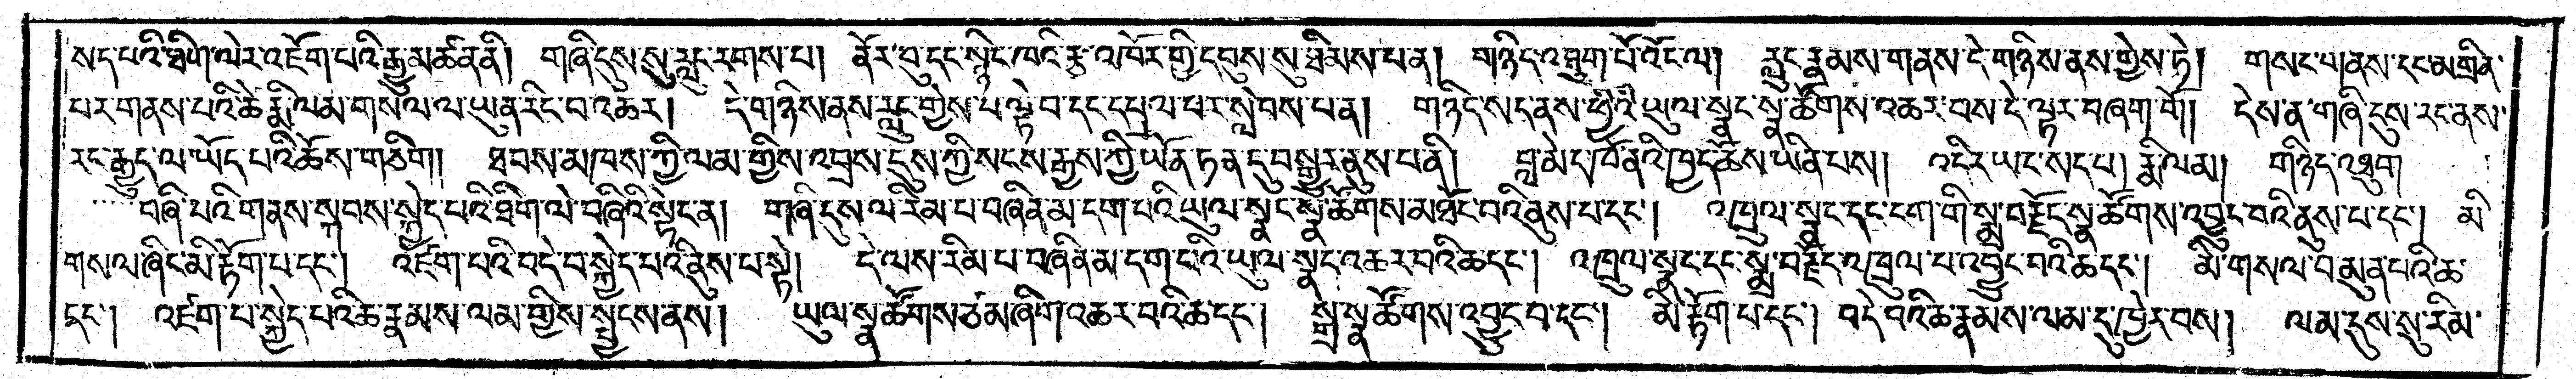སད་པའི་ཐིག་ལེར་འཇོག་པའི་རྒྱུ་མཚན་ནི། གཞི་དུས་སུ་རླུང་རགས་པ། ནོར་བུ་དང་སྙིང་ཁའི་རྩ་འཁོར་གྱི་དབུས་སུ་ཐིམས་པ་ན། གཉིད་འཐུག་པོ་འོང་ལ། རླུང་རྣམས་གནས་དེ་གཉིས་ནས་གྱེས་ཏེ། གསང་གནས་དང་མགྲིན་
པར་གནས་པའི་ཚེ་རྨི་ལམ་གསལ་ལ་ཡུན་རིང་བ་འཆར། དེ་གཉིས་ནས་རླུང་གྱེས་པ་ལྟེ་བ་དང་དཔྲལ་པར་སླེབས་པ་ན། གཉིད་སད་ནས་ཕྱིའི་ཡུལ་སྣང་སྣ་ཚོགས་འཆར་བས་དེ་ལྟར་བཞག་གོ། དེས་ན་གཞི་དུས་རང་ནས་
རང་རྒྱུད་ལ་ཡོད་པའི་ཆོས་གཅིག། ཐབས་མཁས་ཀྱི་ལམ་གྱིས་འབྲས་དུས་ཀྱི་སངས་རྒྱས་ཀྱི་ཡོན་ཏན་དུ་བསྒྱུར་ནུས་པ་ནི། བླ་མེད་ཁོ་ནའི་ཁྱད་ཆོས་ཡིན་པས། འདིར་ཡང་སད་པ། རྨི་ལམ། གཉིད་འཐུག་
བཞི་པའི་གནས་སྐབས་སྐྱེད་པའི་ཐིག་ལེ་བཞིའི་སྟེང་ན། གཞི་དུས་ལ་རིམ་པ་བཞིན་མ་དག་པའི་ཡུལ་སྣང་སྣ་ཚོགས་མཐོང་བའི་ནུས་པ་དང་། འཁྲུལ་སྣང་དང་ངག་གི་སྨྲ་བརྗོད་སྣ་ཚོགས་འབྱུང་བའི་ནུས་པ་དང་། མི་
གསལ་ཞིང་མི་རྟོག་པ་དང་། འཛག་པའི་བདེ་བ་སྐྱེད་པའི་ནུས་པ་སྟེ། དེ་ལས་རིམ་པ་བཞིན་མ་དག་པའི་ཡུལ་སྣང་འཆར་བའི་ཆ་དང་། འཁྲུལ་སྣང་དང་སྨྲ་བརྗོད་འཁྲུལ་པ་འབྱུང་བའི་ཆ་དང་། མི་གསལ་བ་མུན་པའི་ཆ་
དང་། འཛག་པ་སྐྱེད་པའི་ཆ་རྣམས་ལམ་གྱིས་སྦྱངས་ནས། ཡུལ་སྣ་ཚོགས་ཙམ་ཞིག་འཆར་བའི་ཆ་དང་། སྒྲ་སྣ་ཚོགས་འབྱུང་བ་དང་། མི་རྟོག་པ་དང་། བདེ་བའི་ཆ་རྣམས་ལམ་དུ་ཁྱེར་བས། ལམ་དུས་སུ་རིམ་